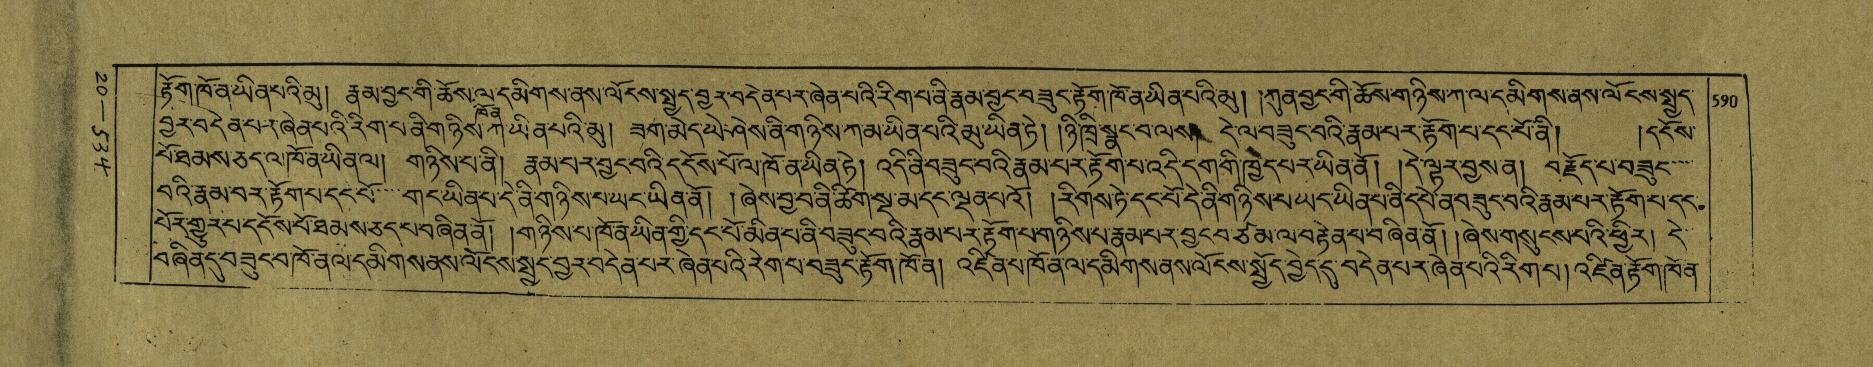རྟོག་ཁོ་ན་ཡིན་པའི་མུ། རྣམ་བྱང་གི་ཆོས་ཁོ་ན་ལ་དམིགས་ནས་ལོངས་སྤྱད་བྱར་བདེན་པར་ཞེན་པའི་རིག་པ་ནི་རྣམ་བྱང་བཟུང་རྟོག་ཁོ་ན་ཡིན་པའི་མུ། །ཀུན་བྱང་གི་ཆོས་གཉིས་ཀ་ལ་དམིགས་ནས་ལོངས་སྤྱད་
བྱར་བདེན་པར་ཞེན་པའི་རིག་པ་ནི་གཉིས་ཀ་ཡིན་པའི་མུ། ཟག་མེད་ཡེ་ཤེས་ནི་གཉིས་ཀ་མ་ཡིན་པའི་མུ་ཡིན་ཏེ། །ཉི་ཁྲི་སྣང་བ་ལས། དེ་ལ་བཟུང་བའི་རྣམ་པར་རྟོག་པ་དང་པོ་ནི། །དངོས་
པོ་ཐམས་ཅད་ལ་ཁོ་ན་ཡིན་ལ། གཉིས་པ་ནི། རྣམ་པར་བྱང་བའི་དངོས་པོ་ལ་ཁོ་ན་ཡིན་ཏེ། འདི་ནི་བཟུང་བའི་རྣམ་པར་རྟོག་པ་འདི་དག་གི་ཁྱད་པར་ཡིན་ནོ། །དེ་ལྟར་བྱས་ན། བརྗོད་པ་བཟུང་
བའི་རྣམ་བར་རྟོག་པ་དང་པོ་གང་ཡིན་པ་དེ་ནི་གཉིས་པ་ཡང་ཡིན་ནོ། །ཞེས་བྱ་བ་ནི་ཚིག་སྔ་མ་དང་ལྡན་པའོ། །རིགས་ཏེ་དང་པོ་དེ་ནི་གཉིས་པ་ཡང་ཡིན་པ་ནི་དཔེ་ན་བཟུང་བའི་རྣམ་པར་རྟོག་པ་དང་
པོར་གྱུར་པ་དངོས་པོ་ཐམས་ཅད་པ་བཞིན་ནོ། །གཉིས་པ་ཁོ་ན་ཡིན་གྱི་དང་པོ་མིན་པ་ནི་བཟུང་བའི་རྣམ་པར་རྟོག་པ་གཉིས་པ་རྣམ་པར་བྱང་བ་ཙམ་ལ་བརྟེན་པ་བཞིན་ནོ། །ཞེས་གསུངས་པའི་ཕྱིར། དེ་
བཞིན་དུ་བཟུང་བ་ཁོ་ན་ལ་དམིགས་ནས་ལོངས་སྤྱད་བྱར་བདེན་པར་ཞེན་པའི་རིག་པ་བཟུང་རྟོག་ཁོ་ན། འཛིན་པ་ཁོ་ན་ལ་དམིགས་ནས་ལོངས་སྤྱོད་བྱེད་དུ་བདེན་པར་ཞེན་པའི་རིག་པ། འཛིན་རྟོག་ཁོ་ན་